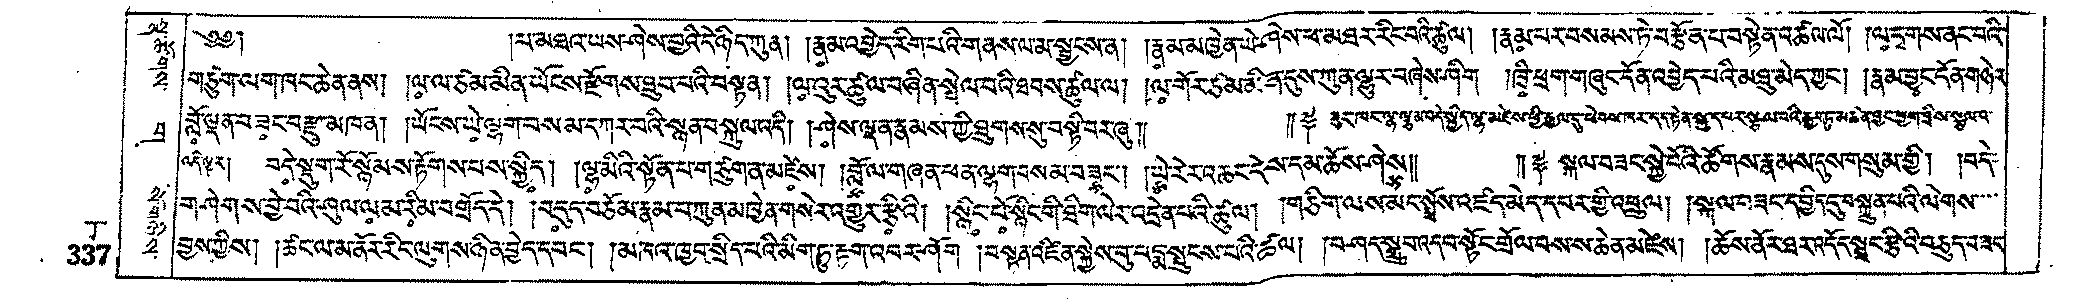༄༅། །པ་མཐའ་ཡས་ཤེས་བྱའི་དེ་ཉིད་ཀུན། །རྣམ྾་འབྱེད་རིག་པའི་གནས་ལ་མ་སྦྱངས་ན། །རྣམ྾་མཁྱེན་ཡེ་ཤེས་ཕ་མཐར་རིང་བའི་ཚུལ། །རྣམ྾་པར་བསམས་ཏེ་བརྩོན་པ་བསྟེན་འཚལ་ལོ། །ལ྾་དྭགས་ནང་པའི་
གཙུག་ལག་ཁང་ཆེན་ནས། །ལ྾་ལ་ཙམ་མིན་ཡོངས་རྫོགས་ཐུབ་པའི་བསྟན། །ལ྾་འུར་ཚུལ་བཞིན་སྤེལ་བའི་ཐབས་ཚུལ་ལ། །ལ྾་གོར་ཙམ་མིན་དུས་ཀུན་ལྷུར་བཞེས་ཤིག །ཁྲི྾་ཕྲག་གཞུང་དོན་འབྱེད་པའི་མཐུ་མེད་ཀྱང་། །རྣམ་བྱང྾་དོན་གཉེར་
བློ྾་ལྡན་བཟང྾་བརྫུ་མཁན། །ཡོངས་ཡེ྾་ལྷག་བསམ་དཀར་བའི་སྙན་བསྐུལ་འདི། །ཤེས྾་ལྡན་རྣམས་ཀྱི་ཐུགས་སུ་བསྟི་བར་ཞུ།། །། འ་ཟུར་ཁང་ལྷ་ལྕམ་བདེ་སྐྱིད་ལྷ་མཛེས་ཕྱི་རྒྱལ་དུ་ཕེབས་ཁར་དད་རྟེན་སྐུ་དཔར་སྩལ་བའི་རྒྱབ་ཏུ་མཚན་བྱང་ཕྱག་བྲིས་སྩལ་བ་
འདི་ལྟར། བདེ྾་སྡུག་རོ་སྙོམས་རྟོགས་པས་སྐྱིད྾། །ལྷ྾་མིའི་སྟོན་པ་གཙུག་ན་མཛེས྾། །བློ་ལ་གཞན་ཕན་ལྷག་བསམ་བཟང་། །ཡེ་རེར་འཆང་དེས་དམ་ཆོས་ཤེས།། །། འ་སྐལ་བཟང་སྐྱེ་བོའི་ཚོགས་རྣམས་དུས་གསུམ་གྱི། །བདེ་
གཤེགས་བྱེ་བའི་ཤུལ་ལམ྾་རིམ྾་བགྲོད་དེ། །བདུད྾་བཅོམ་རྣམ་པ་ཀུན་མཁྱེན་གསེར་འགྱུར་རྩིའི྾། །སྙིང྾་པོ྾་སྙིང་གི་ཐིག་ལེར་འདྲེན་པའི་ཚུལ། །གཅིག་ལས་མང་སྤྲོས་འཛད་མེད་དཔར་གྱི་འཕྲུལ། །སྐལ་བཟང་དཔྱིད་དུ་བསྐྲུན་པའི་ལེགས་་་
བྱས་ཀྱིས། །ཚང་ལ་མ་ནོར་རིང་ལུགས་ཉིན་བྱེད་དབང་། །མཁའ་ཁྱབ་སྲིད་པའི་མིག་ཏུ་རྟག་འབར་ཤོག །བསྟན་འཛིན་སྐྱེས་བུ་པདམ་སྤུངས་པའི་ཚལ། །བཤད་སྒྲུབ་འདབ་སྟོང་གྲོལ་བས་ས་ཆེན་མཛེས། །ཆོས་ནོར་ཐར་འདོད་སྦྲང་རྩིའི་བཅུད་བཟང་